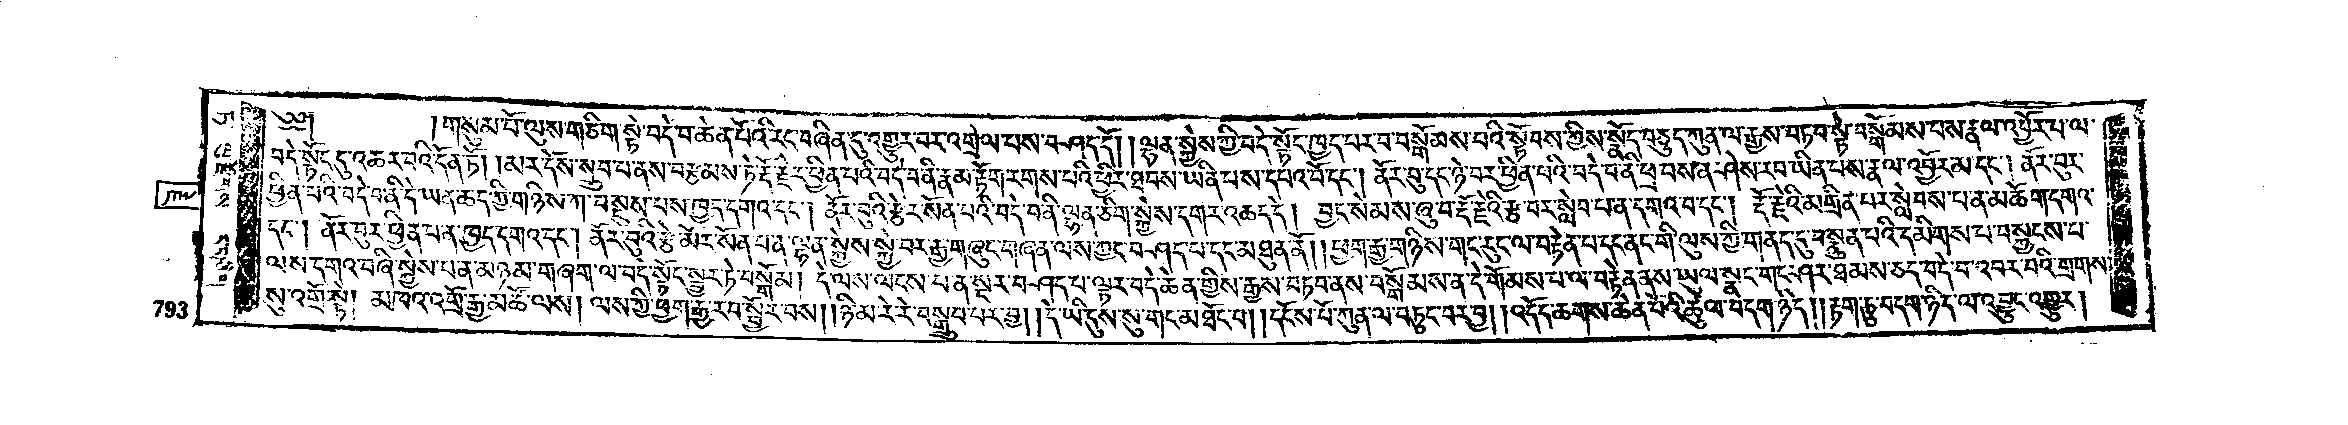༄༅། །གསུམ་པོ་ལུས་གཅིག་སྟེ་བདེ་བ་ཆེན་པོའི་རང་བཞིན་དུ་འགྱུར་བར་འགྲེལ་པས་བཤད་དོ། །ལྷན་སྐྱེས་ཀྱི་བདེ་སྟོང་ཁྱད་པར་བ་བསྒོམས་པའི་སྟོབས་ཀྱིས་སྣོད་བཅུད་ཀུན་ལ་རྒྱས་བཏབ་སྟེ་བསྒོམས་པས་རྣལ་འབྱོར་པ་ལ་
བདེ་སྟོང་དུ་འཆར་བའི་དོན་ཏོ། །མར་དོས་སྲུབ་པ་ནས་བརྩམས་ཏེ་རྡོ་རྗེར་ཕྱིན་པའི་བདེ་བ་ནི་རྣམ་རྟོག་རགས་པའི་ཕྱིར་ཐབས་ཡིན་པས་དཔའ་བོ་དང་། ནོར་བུ་དང་ཉེ་བར་ཕྱིན་པའི་བདེ་བ་ནི་ཕྲ་བས་ན་ཤེས་རབ་ཡིན་པས་རྣལ་འབྱོར་མ་དང་། ནོར་བུར་
ཕྱིན་པའི་བདེ་བ་ནི་དེ་ཡན་ཆད་ཀྱི་གཉིས་ཀ་བསྡུས་པས་ཁྱད་དགའ་དང་། ནོར་བུའི་རྩེར་སོན་པའི་བདེ་བ་ནི་ལྷན་ཅིག་སྐྱེས་དགར་འཆད་དེ། བྱང་སེམས་ཞུ་བ་རྡོ་རྗེའི་རྩ་བར་སླེབ་པ་ན་དགའ་བ་དང་། རྡོ་རྗེའི་མགྲིན་པར་སླེབས་པ་ན་མཆོག་དགའ་
དང་། ནོར་བུར་ཕྱིན་པ་ན་ཁྱད་དགའ་དང་། ནོར་བུའི་རྩེ་མོར་སོན་པ་ན་ལྷན་སྐྱེས་སྐྱེ་བར་རྒྱ་གཞུང་གཞན་ལས་ཀྱང་བཤད་པ་དང་མཐུན་ནོ། །ཕྱག་རྒྱ་གཉིས་གང་རུང་ལ་བརྟེན་པ་དང་ནང་གི་ལུས་ཀྱི་གནད་དུ་བསྣུན་པའི་དམིགས་པ་བསྐྱངས་པ་
ལས་དགའ་བཞི་སྐྱེས་པ་ན་མཉམ་གཞག་ལ་བདེ་སྟོང་སྦྱར་ཏེ་བསྒོམ། དེ་ལས་ལངས་པ་ན་སྔར་བཤད་པ་ལྟར་བདེ་ཆེན་གྱིས་རྒྱས་བཏབ་ནས་བསྒོམས་ན་དེ་གོམས་པ་ལ་བརྟེན་ནས་ཡུལ་སྣང་གང་ཤར་ཐམས་ཅད་བདེ་བ་འབར་བའི་གྲགས་
སུ་འགྲོ་སྟེ། མཁའ་འགྲོ་རྒྱ་མཚོ་ལས། ལས་ཀྱི་ཕྱག་རྒྱ་རབ་སྦྱོར་བས། །ཉི་མ་རེ་རེ་བསྒྲུབ་པར་བྱ། །དེ་ཡི་དུས་སུ་གང་མཐོང་བ། །དངོས་པོ་ཀུན་ལ་བཏུང་བར་བྱ། །འདོད་ཆགས་ཆེན་པོའི་ཚུལ་བདག་ཉིད། །རྟག་ཏུ་བདག་ཉིད་ལ་འབྱུང་འགྱུར།